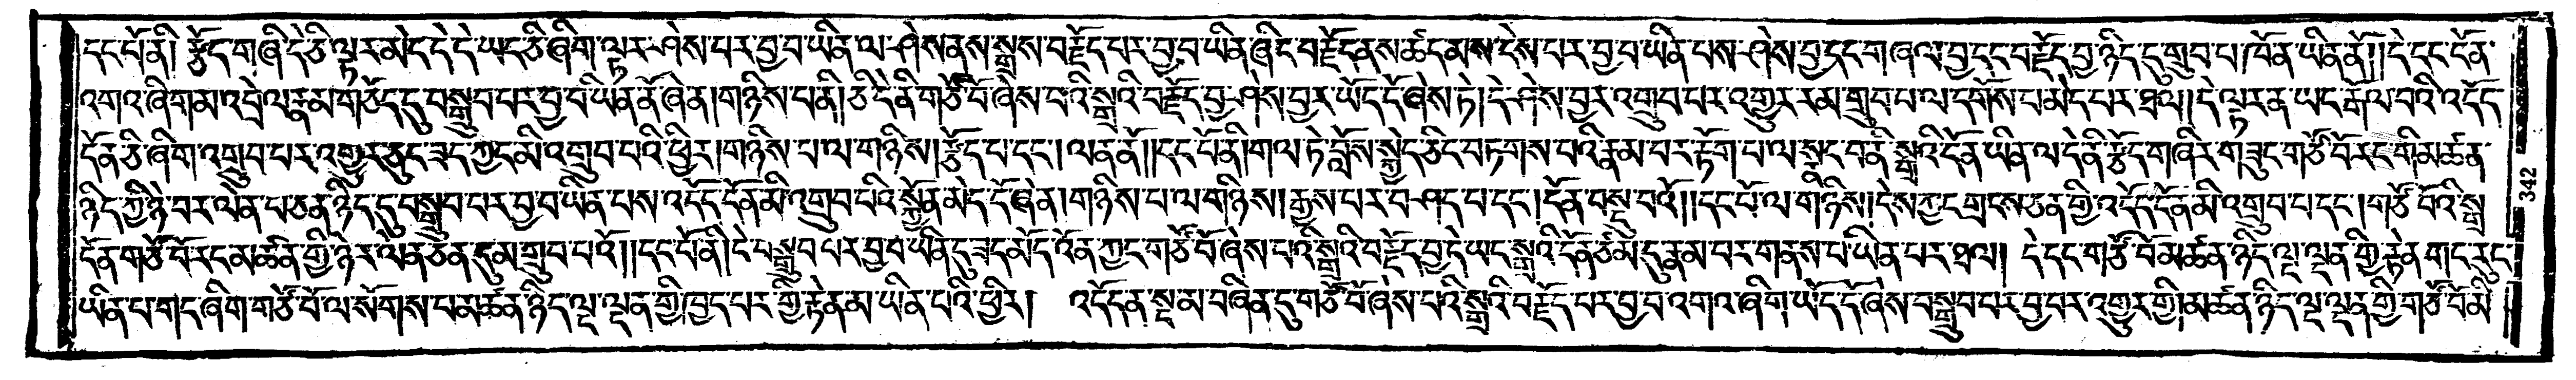དང་པོ་ནི། རྩོད་གཞི་དེ་ཅི་ལྟར་མེད་དེ་དེ་ཡང་ཅི་ཞིག་ལྟར་ཤེས་པར་བྱ་བ་ཡིན་ལ་ཤེས་ནས་སྒྲས་བརྗོད་པར་བྱ་བ་ཡིན་ཞིང་བརྗོད་ནས་ཚད་མས་ངེས་པར་བྱ་བ་ཡིན་པས་ཤེས་བྱ་དང་གཞལ་བྱ་དང་བརྗོད་བྱ་ཉིད་དུ་གྲུབ་པ་ཁོ་ན་ཡིན་ནོ། །དེ་དང་དོན་
འགའ་ཞིག་མ་འབྲེལ་རྣམ་གཅོད་དུ་བསྒྲུབ་པར་བྱ་བ་ཡིན་ནོ་ཞེ་ན། གཉིས་པ་ནི། ཅི་དེ་ནི་གཙོ་བོ་ཞེས་པའི་སྒྲའི་བརྗོད་བྱ་ཤེས་བྱར་ཡོད་དོ་ཞེས་ཏེ། དེ་ཤེས་བྱར་འགྲུབ་པར་འགྱུར་རམ་གྲུབ་པ་ལ་དགོས་པ་མེད་པར་ཐལ། དེ་ལྟར་ན་ཡང་རྒོལ་བའི་འདོད་
དོན་ཅི་ཞིག་འགྲུབ་པར་འགྱུར་ཅུང་ཟད་ཀྱང་མི་འགྲུབ་པའི་ཕྱིར། གཉིས་པ་ལ་གཉིས། རྩོད་པ་དང་། ལན་ནོ། །དང་པོ་ནི། གལ་ཏེ་བློས་སྐྱེད་ཅིང་བཏགས་པའི་རྣམ་པར་རྟོག་པ་ལ་སྣང་བ་ནི་སྒྲའི་དོན་ཡིན་ལ་དེ་ནི་རྩོད་གཞིར་གཟུང་གཙོ་བོ་རང་གི་མཚན་
ཉིད་ཀྱི་ཉེ་བར་ལེན་པ་ཅན་ཉིད་དུ་བསྒྲུབ་པར་བྱ་བ་ཡིན་པས་འདོད་དོན་མི་འགྲུབ་པའི་སྐྱོན་མེད་དོ་ཞེ་ན། གཉིས་པ་ལ་གཉིས། རྒྱས་པར་བཤད་པ་དང་། དོན་བསྡུ་བའོ། །དང་པོ་ལ་གཉིས། དེས་ཀྱང་གྲངས་ཅན་གྱི་འདོད་དོན་མི་འགྲུབ་པ་དང་། གཙོ་བོའི་སྒྲ་
དོན་གཙོ་བོ་རང་མཚན་གྱི་ཉེར་ལེན་ཅན་དུ་མ་གྲུབ་པའོ། །དང་པོ་ནི། དེ་བསྒྲུབ་པར་བྱ་བ་ཡིན་དུ་ཟད་མོད་འོན་ཀྱང་གཙོ་བོ་ཞེས་པའི་སྒྲའི་བརྗོད་བྱ་དེ་ཡང་སྒྲའི་དོན་ཙམ་དུ་རྣམ་པར་གནས་པ་ཡིན་པར་ཐལ། དེ་དང་གཙོ་བོ་མཚན་ཉིད་ལྔ་ལྡན་གྱི་རྟེན་གང་རུང་
ཡིན་པ་གང་ཞིག་གཙོ་བོ་ལ་སོགས་པ་མཚན་ཉིད་ལྔ་ལྡན་གྱི་ཁྱད་པར་གྱི་རྟེན་མ་ཡིན་པའི་ཕྱིར། འདོད་ན་སྔ་མ་བཞིན་དུ་གཙོ་བོ་ཞེས་པའི་སྒྲའི་བརྗོད་པར་བྱ་བ་འགའ་ཞིག་ཡོད་དོ་ཞེས་བསྒྲུབ་པར་བྱ་བར་འགྱུར་གྱི། མཚན་ཉིད་ལྔ་ལྡན་གྱི་གཙོ་བོ་མི་